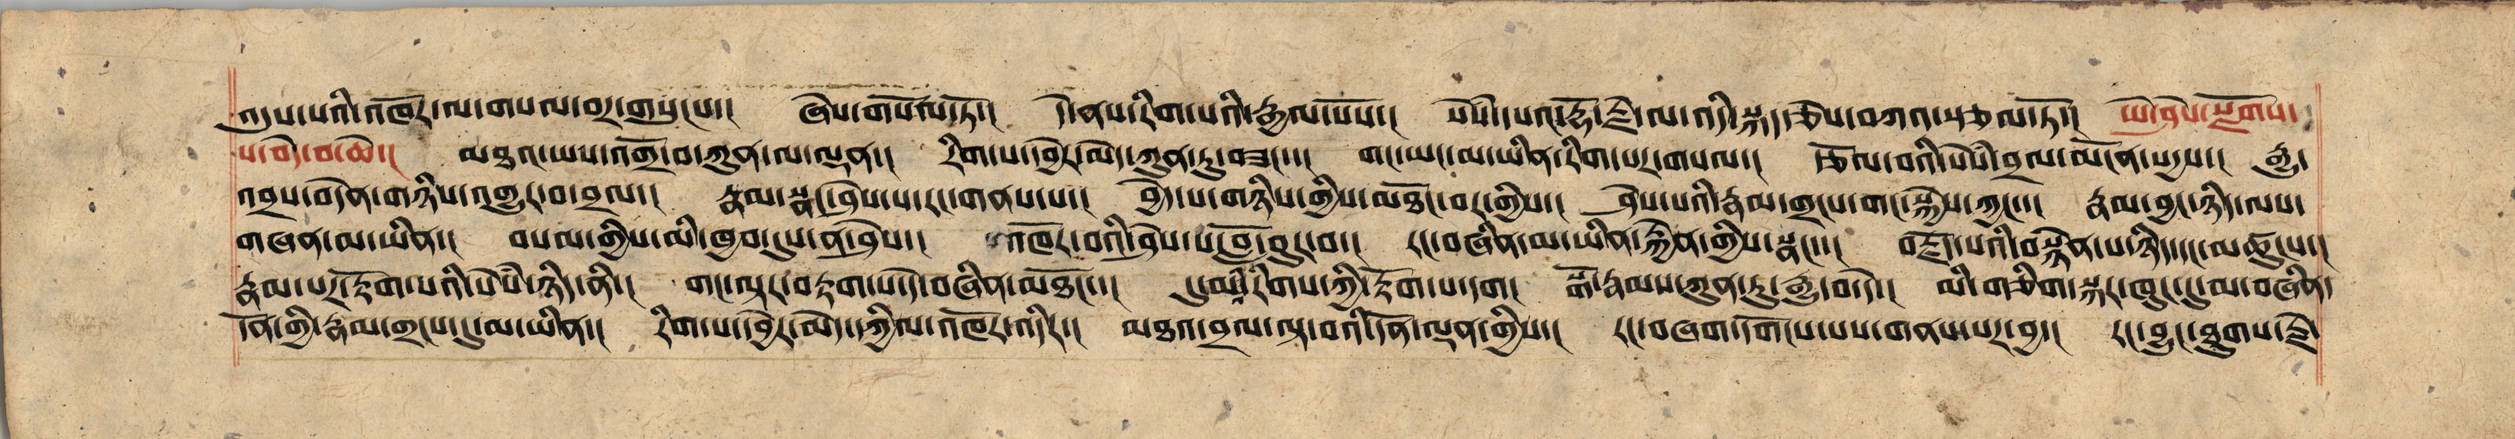འདུས་པའི་འཁོར་ལ་གསལ་བར་གསུངས་། ཞེས་གསོལ་ཏོ་། དེ་ནས་རིག་པའི་རྒྱལ་པོས་། སེཾས་དཔའ་རྡོ་རྗེ་ལ་འདི་སྐད་ཅེས་བཀའ་སྩལ་ཏོ་། ཡེ་ཤེས་སྫོགས་
པ་བདེ་བ་ཆེ་། མཐའ་ཡས་འགྲོ་བ་ཀུན་ལ་ལྡན་། རིག་པ་དབྱེར་མེད་ཀུན་ཏུ་བཟང་་། གང་ཡང་མ་ཡིན་རིག་པར་གསལ་། རྩོལ་བའི་སེཾས་བྲལ་མངོན་སདྱས་། རྒྱུ་
འབྲས་བདེན་གཉིས་འགྱུར་བ་བྲལ་། རྣམ་སྣང་ཤེས་པ་རང་གནས་པ་། བྱེད་པ་གཉིས་གྱིས་མཐོང་བར་གྱིས་། ཤེས་པའི་རྣམ་གྲངས་གང་སྐྱེས་ཀྱང་་། རྣམ་བྱང་ཉིད་ལས་
གཞན་མ་ཡིན་། བསམ་གྱིས་མི་ཁྱབ་དུས་ན་ཤེས་། འཁོར་བའི་ཤེས་པ་བློ་བུར་བ་། རང་བཞིན་མ་ཡིན་རྐྱེན་གྱིས་སྣང་་། བརྗོད་པའི་བསྙེན་པ་ཉིད་དང་མཚུངས་།
རྣམ་པར་རྟོག་པའི་སེཾས་ཉིད་ནི་། གང་ལྟར་བརྟག་པ་དེ་བཞིན་མཐོང་་། དུ་མ་རིགས་ཀྱི་རྟོག་པ་དག། སྒོ་རྣམས་ཀུན་ཏུ་རྒྱུ་བ་དེ་། མི་གཅིག་སྐར་ཁུང་དུ་མ་བཞིན་
དོན་གྱི་རྣམ་གྲངས་དུ་མ་ཡིན་། རིག་པ་དབྱེར་མེད་དཀྱིལ་འཁོར་འདིར་། མཐའ་བྲལ་ལྟ་བའི་དོན་ལྡན་གྱིས་། རང་བཞག་དགོངས་པས་གནས་པར་བྱ་། རང་བྱུང་ཐུགས་རྗེ་